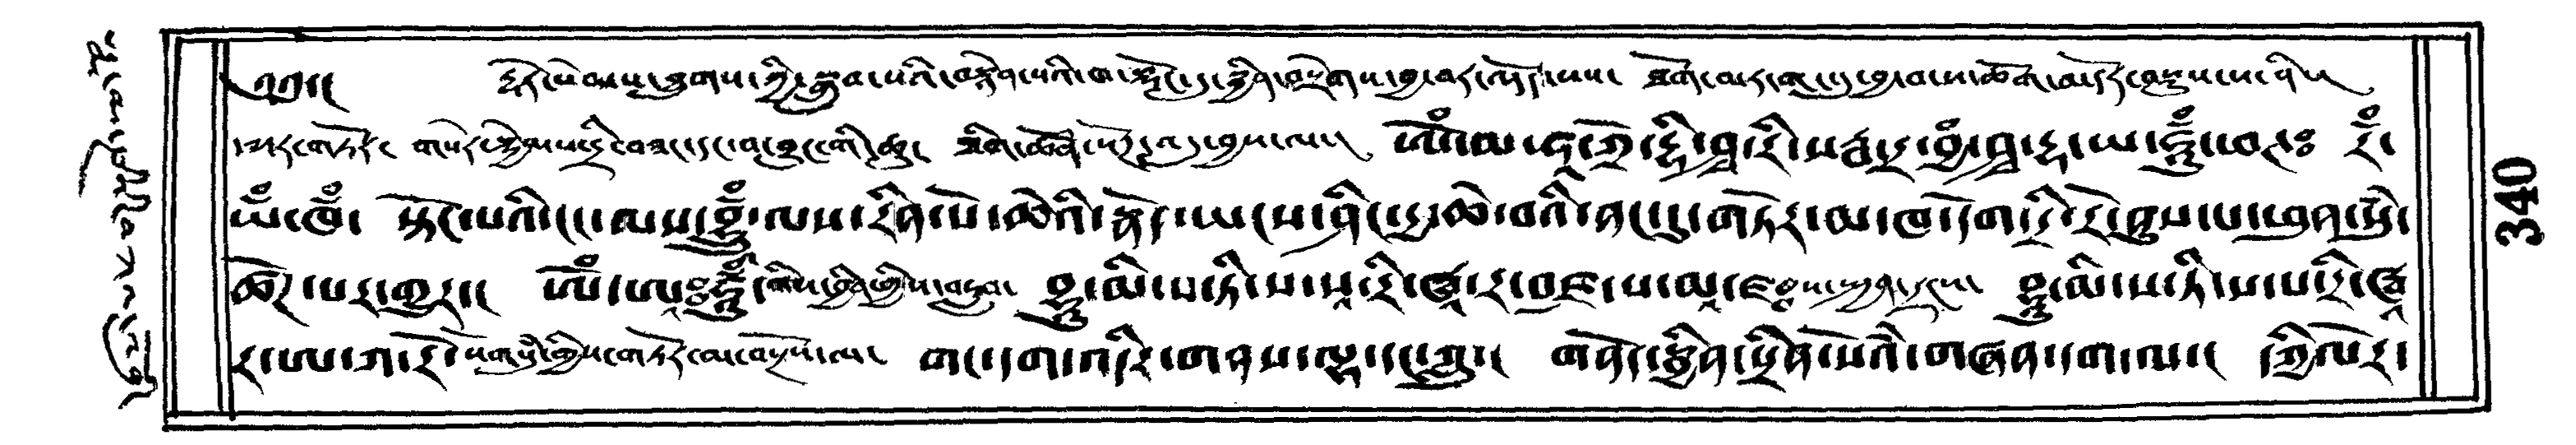༄༅། རྡོར་སེམས་ཐུགས་ཀྱི་སྒྲུབ་པའི་བསྙེན་པའི་ཁ་སྐོང་དུ་སྦྱིན་སྲེག་བྱ་བར་འདོད་པས། ཐོག་མར་གང་དུ་བྱ་བའི་ས་ཆོག་མདོར་བསྡུས་ནི། 
དཀར་གཏོར། གསེར་སྐྱེམས། དྲི་བཟང་དང་བ་བྱུང་གི་ཆུ། ཐིག་ཚོན་སོགས་འདུ་བྱས་ལ། ཨོཾ་མ་ཧཱ་ཀྲོ་དྷི་ཤྭ་རི་སརྦ་དྲ་བྱཾ་ཤྭ་དྷ་ཡ་ཧཱུྃ་ཕཊཿ རྃ་
ཡྃ་ཁྃ། སྟོང་པའི་ངང་ལས་བྷྲཱུྃ་ལས་རིན་པོ་ཆེའི་སྣོད་ཡངས་ཤིང་རྒྱ་ཆེ་བའི་ནང་དུ་གཏོར་མ་ཁ་དོག་དྲི་རོ་ནུས་པ་ཕུན་སུམ་
ཚོགས་པར་གྱུར། ཨོཾ་ཨཱཿཧཱུྃ་གིས་བྱིན་གྱིས་བརླབ། བྷཱུ་མི་པ་ཏི་ས་པཱ་རི་ཝཱ་ར་བཛྲ་ས་མཱ་ཛཿ ས་སྤྱན་དྲངས། བྷཱུ་མི་པ་ཏི་ས་པ་རི་ཝཱ་
ར་ཨ་ཀ་རོ་སོགས་གསུམ་གྱིས་གཏོར་མ་བསྔོས་ལ། གང་དག་འདིར་གནས་ལྷ་དང་ཀླུ། །གནོད་སྦྱིན་སྲིན་པོའམ་གཞན་དག་ལ། །དཀྱིལ་འཁོར་